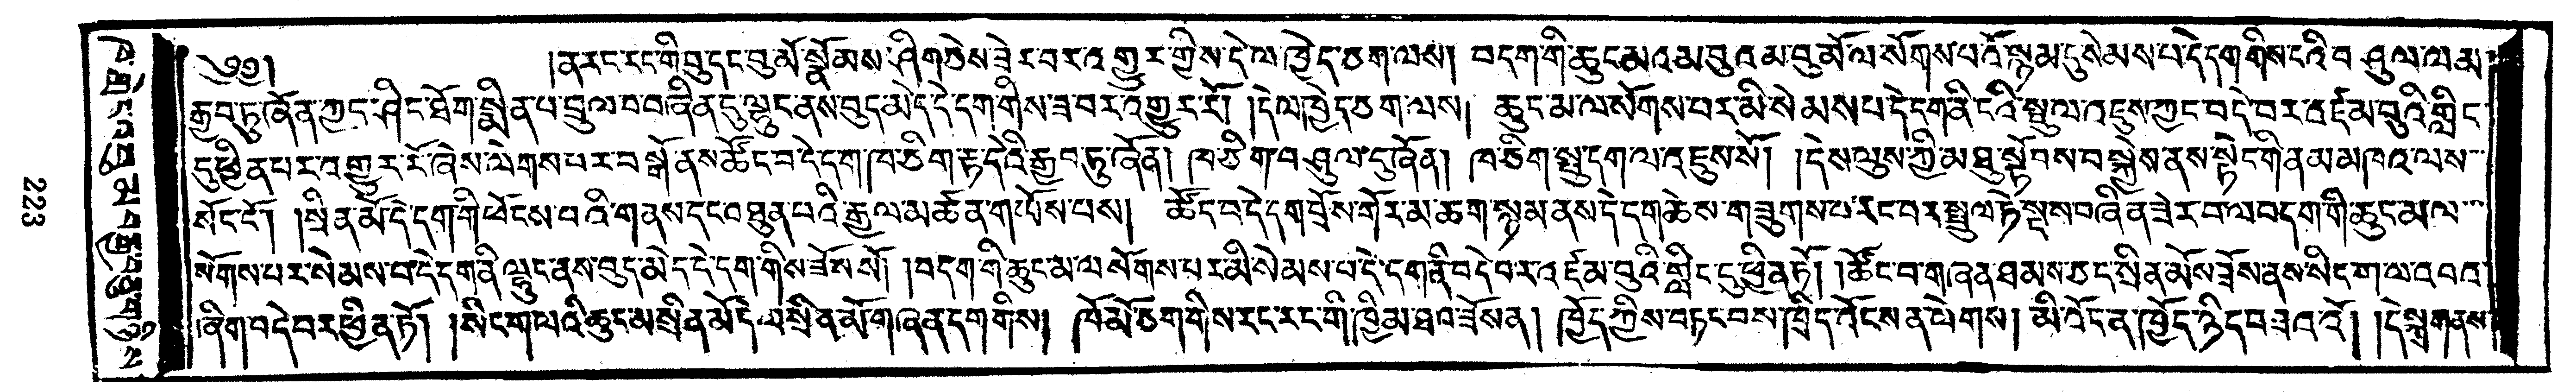༄༅། །ན་རང་རང་གི་བུ་དང་བུ་མོ་སྣོམས་ཤིག་ཅེས་ཟེར་བར་འགྱུར་གྱིས་དེ་ལ་ཁྱེད་ཅག་ལས། བདག་གི་ཆུང་མའམ་བུའམ་བུ་མོ་ལ་སོགས་པའོ་སྙམ་དུ་སེམས་པ་དེ་དག་གིས་ངའི་བཤུལ་ལམ་
རྒྱབ་ཏུ་ཞོན་ཀྱང་ཤིང་ཐོག་སྨིན་པ་བྲུལ་བ་བཞིན་དུ་ལྷུང་ནས་བུད་མེད་དེ་དག་གིས་ཟ་བར་འགྱུར་རོ། །དེ་ལ་ཁྱེད་ཅག་ལས། ཆུང་མ་ལ་སོགས་པར་མི་སེམས་པ་དེ་དག་ནི་ངའི་སྦུ་ལ་འཇུས་ཀྱང་བདེ་བར་འཛམ་བུའི་གླིང་
དུ་ཕྱིན་པར་འགྱུར་རོ་ཞེས་ལེགས་པར་བསྒོ་ནས་ཚོང་བ་དེ་དག་ཁ་ཅིག་རྟ་དེའི་རྒྱབ་ཏུ་ཞོན། ཁ་ཅིག་བཤུལ་དུ་ཞོན། ཁ་ཅིག་སྤུ་དག་ལ་འཇུས་སོ། །དེས་ལུས་ཀྱི་མཐུ་སྟོབས་བསྐྱེས་ནས་སྟེང་གི་ནམ་མཁའ་ལས་
སོང་ངོ། །སྲིན་མོ་དེ་དག་གི་ཕོངས་པའི་གནས་དང་འཐུན་པའི་རྒྱལ་མཚན་གཡོས་པས། ཚོང་བ་དེ་དག་བྲོས་གོར་མ་ཆག་སྙམ་ནས་དེ་དག་ཆེས་གཟུགས་པ་རང་བར་སྤྲུལ་ཏེ་སྔས་བཞིན་ཟེར་བ་ལ་བདག་གི་ཆུང་མ་ལ་
སོགས་པར་སེམས་པ་དེ་དག་ནི་ལྷུང་ནས་བུད་མེད་དེ་དག་གིས་ཟོས་སོ། །བདག་གི་ཆུང་མ་ལ་སོགས་པར་མི་སེམས་པ་དེ་དག་ནི་བདེ་བར་འཛམ་བུའི་གླིང་དུ་ཕྱིན་ཏོ། །ཚོང་བ་གཞན་ཐམས་ཅད་སྲིན་མོས་ཟོས་ནས་སིང་ག་ལ་འབའ་
ཞིག་བདེ་བར་ཕྱིན་ཏོ། །སིང་ག་ལའི་ཆུང་མ་སྲིན་མོ་དེ་ལ་སྲིན་མོ་གཞན་དག་གིས། ཁོ་མོ་ཅག་གིས་རང་རང་གི་ཁྱིམ་ཐབ་ཟོས་ན། ཁྱོད་ཀྱིས་བཏང་བས་ཁྲིད་འོངས་ན་ལེགས། མི་འོང་ན་ཁྱོད་ཉིད་བཟའ་འོ། །དེ་སྐྲ་གནས་